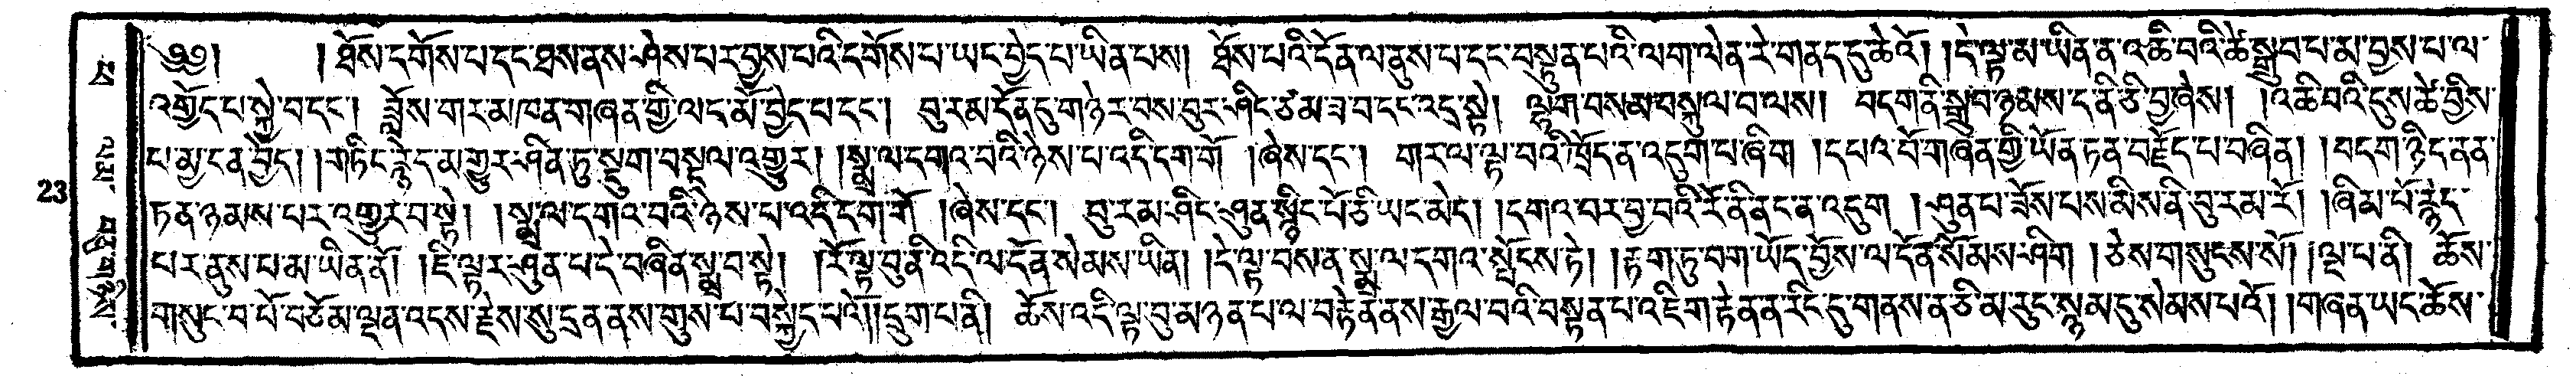༄༅། །ཐོས་དགོས་པ་དང་ཐས་ནས་ཤེས་པར་བྱས་པའི་དགོས་པ་ཡང་བྱེད་པ་ཡིན་པས། ཐོས་པའི་དོན་ལ་ནུས་པ་དང་བསྟུན་པའི་ལག་ལེན་རེ་གནད་དུ་ཆེའོ། །དེ་ལྟ་མ་ཡིན་ན་འཆི་བའི་ཚེ་སྒྲུབ་པ་མ་བྱས་པ་ལ་
འགྱོད་པ་སྐྱེ་བ་དང་། ཟློས་གར་མཁན་གཞན་གྱི་ལང་མོ་བྱེད་པ་དང་། བུ་རམ་དོན་དུ་གཉེར་བས་བུར་ཤིང་ཙམ་ཟ་བ་དང་འདྲ་སྟེ། ལྷག་བསམ་བསྐུལ་བ་ལས། བདག་ནི་སྒྲུབ་ཉམས་ད་ནི་ཅི་བྱ་ཞེས། །འཆི་བའི་དུས་ཚེ་བྱིས་
པ་མྱ་ངན་བྱེད། །གཏིང་རྙེད་མགྱུར་ཤིན་ཏུ་སྡུག་བསྔལ་འགྱུར། །སྨྲ་ལ་དགའ་བའི་ཉེས་པ་འདི་དག་གོ །ཞེས་དང་། གར་ལ་ལྟ་བའི་ཁྲོད་ན་འདུག་པ་ཞིག །དཔའ་བོ་གཞན་གྱི་ཡོན་ཏན་བརྗོད་པ་བཞིན། །བདག་ཉིད་ནན་
ཏན་ཉམས་པར་འགྱུར་བ་སྟེ། །སྨྲ་ལ་དགའ་བའི་ཉེས་པ་འདི་དག་གོ །ཞེས་དང་། བུ་རམ་ཤིང་ཤུན་སྙིང་པོ་ཅི་ཡང་མེད། །དགའ་བར་བྱ་བའི་རོ་ནི་ནང་ན་འདུག །ཤུན་པ་ཟོས་པས་མིས་ནི་བུ་རམ་རོ། །ཞིམ་པོ་རྙེད་
པར་ནུས་པ་མ་ཡིན་ནོ། །ཇི་ལྟར་ཤུན་པ་དེ་བཞིན་སྨྲ་བ་སྟེ། །རོ་ལྟ་བུ་ནི་འདི་ལ་དོན་སེམས་ཡིན། །དེ་ལྟ་བས་ན་སྨྲ་ལ་དགའ་སྤོངས་ཏེ། །རྟག་ཏུ་བག་ཡོད་བྱོས་ལ་དོན་སོམས་ཤིག །ཅེས་གསུངས་སོ། །ལྔ་པ་ནི། ཆོས་
གསུང་བ་པོ་བཅོམ་ལྡན་འདས་རྗེས་སུ་དྲན་ནས་གུས་པ་བསྐྱེད་པའོ། །དྲུག་པ་ནི། ཆོས་འདི་ལྟ་བུ་མཉན་པ་ལ་བརྟེན་ནས་རྒྱལ་བའི་བསྟན་པ་འཇིག་ན་རིང་དུ་གནས་ན་ཅི་མ་རུང་སྙམ་དུ་སེམས་པའོ། །གཞན་ཡང་ཆོས་